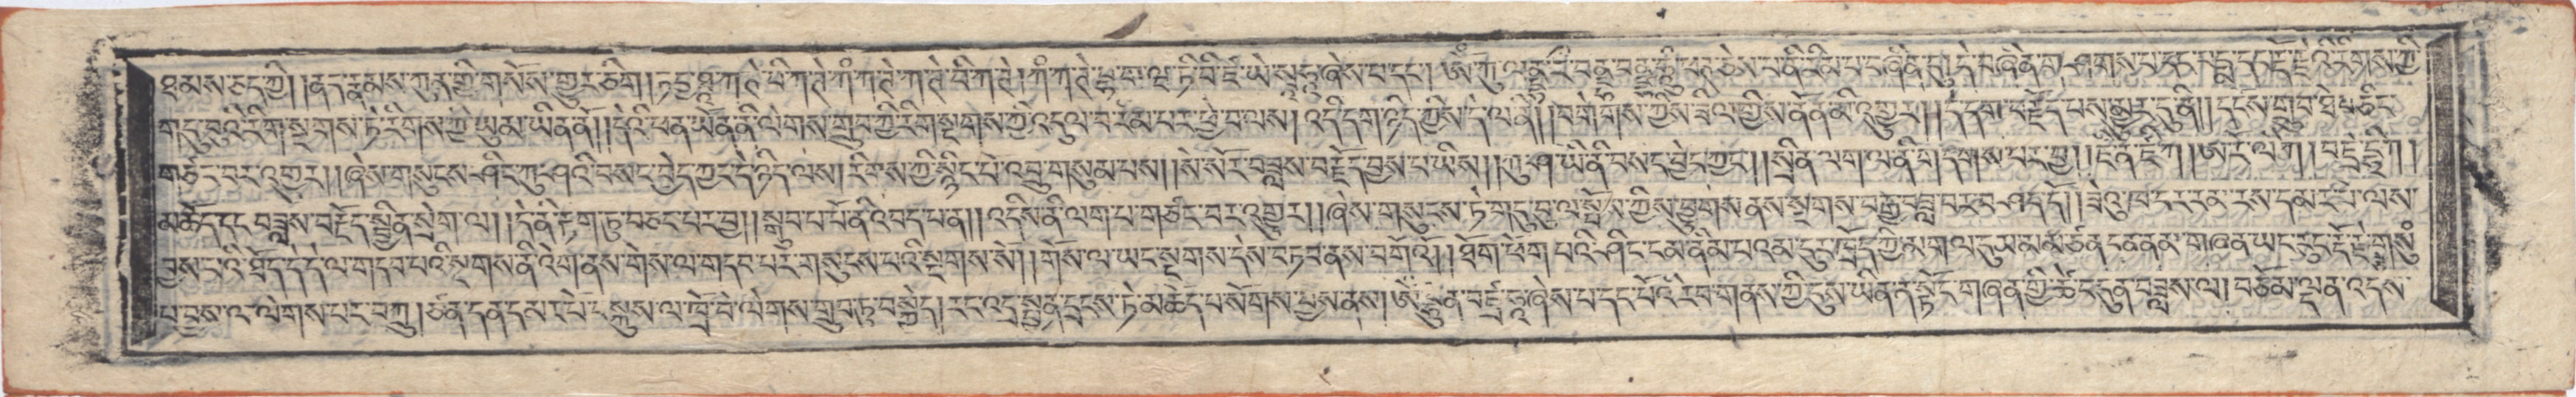ཐམས་ཅད་ཀྱི། །ནད་རྣམས་ཀུན་གྱི་གསོས་གྱུར་ཅིག །ཏདྱ་ཐཱ་ཀ་ཊེ་བི་ཀ་ཊེ་དཀཾ་ཀ་ཊེ་ཀ་ཊེ་བི་ཀ་ཊེ། ཀཾ་ཀ་ཊེ་བྷ་ག་ཝ་ཏི་བི་ཛ་ཡེ་སྲཱ་ཧཱ་ཞེས་པ་དང་། ཨོཾ་ཀུ་ལནྡྷའ་རྀ་བནྡྷ་བནྡྷ་ཧཱུཾ་ཕཊ་ཅེས་པ་ནི་རིམ་པ་བཞིན་དུ། དེ་བཞིན་གཤེགས་པ་དང་པདམ་དང་རྡོ་རྗེའི་རིགས་ཀྱི་
གདུ་བུའི་རིག་སྔགས་ཏེ་རིགས་ཀྱི་ཡུམ་ཡིན་ནོ། །དེའི་ཕན་ཡོན་ནི་ལེགས་གྲུབ་ཀྱི་རིག་སྔགས་ཀྱི་འདུལ་བ་རིམ་པར་ཕྱེ་བ་ལས། འདི་དག་ཉིད་ཀྱིས་དེ་ལ་ནི། །བགེགས་ཀྱིས་ཟིལ་གྱིས་ནོན་མི་འགྱུར། །དེ་དག་བརྗོད་པས་མྱུར་དུ་ནི། །དངོས་གྲུབ་ཐོབ་ཅིང་
གཙང་བར་འགྱུར། །ཞེས་གསུངས་ཤིང་ཀུ་ཤའི་བསང་བྱེད་ཀྱང་དེ་ཉིད་ལས། རིགས་ཀྱི་སྙིང་པོ་འབྲུ་གསུམ་པས། །སོ་སོར་བཟླས་བརྗོད་བྱས་པ་ཡིས། །ཀུ་ཤ་ཡི་ནི་བསང་བྱེད་ཀྱང་། །སྲིན་ལག་ལ་ནི་གདགས་པར་བྱ། །ཛི་ན་ཛི་ཀ། ཨ་རོ་ལི་ཀ། བཛྲ་དྷྲི་ཀ།
མཆོད་དང་བཟླས་བརྗོད་སྦྱིན་སྲེག་ལ། །དེ་ནི་རྟག་ཏུ་བཅད་པར་བྱ། །སྒྲུབ་པ་པོ་ནི་འབད་པ་ན། །འདིས་ནི་ལག་པ་གཙང་བར་འགྱུར། །ཞེས་གསུངས་ཏེ་གདུ་བུ་ལ་སྤོས་ཀྱིས་བྱུགས་ནས་སྔགས་བརྒྱ་བཟླ་བར་བཤད་དོ། །ཟེའུ་ཁ་ངར་རམ་རས་དམར་པོ་ལས་
བྱས་པའི་ཐོད་དེ་དེ་ལ་གདབ་པའི་སྔགས་ནི་འོག་ནས་གོས་ལ་གདབ་པར་གསུངས་པའི་སྔགས་སོ། །གོས་ལ་ཡང་སྔགས་དེས་བཏབ་ནས་བགོའོ། །ཐོག་ཕོག་པའི་ཤིང་ངམ་ནི་མ་པའམ་དུར་ཁྲོད་ཀྱི་མགལ་དུ་མ་མམ་ཙན་དན་ནམ་གཞན་ཡང་རུང་རྡོ་རྗེ་རྩ་གསུཾ་
པ་བྱས་ལ་ལེགས་པར་བཀྲུ། ཙན་དན་དམར་པོ་བསྐུས་ལ་ཁྲོ་བོ་ལེགས་གྲུབ་ཏུ་བསྐྱེད། རང་འདྲ་སྤྱན་དྲངས་ཏེ་མཆོད་པ་སོགས་བྱས་ནས། ཨོཾ་དྷུན་བཛྲ་ཧཱ་ཞེས་པ་དང་པོའི་རབ་གནས་ཀྱི་དུས་ཡིན་ན་སྟོང་གཞན་གྱི་ཚེ་བདུན་བཟླས་ལ། བཅོམ་ལྡན་འདས་